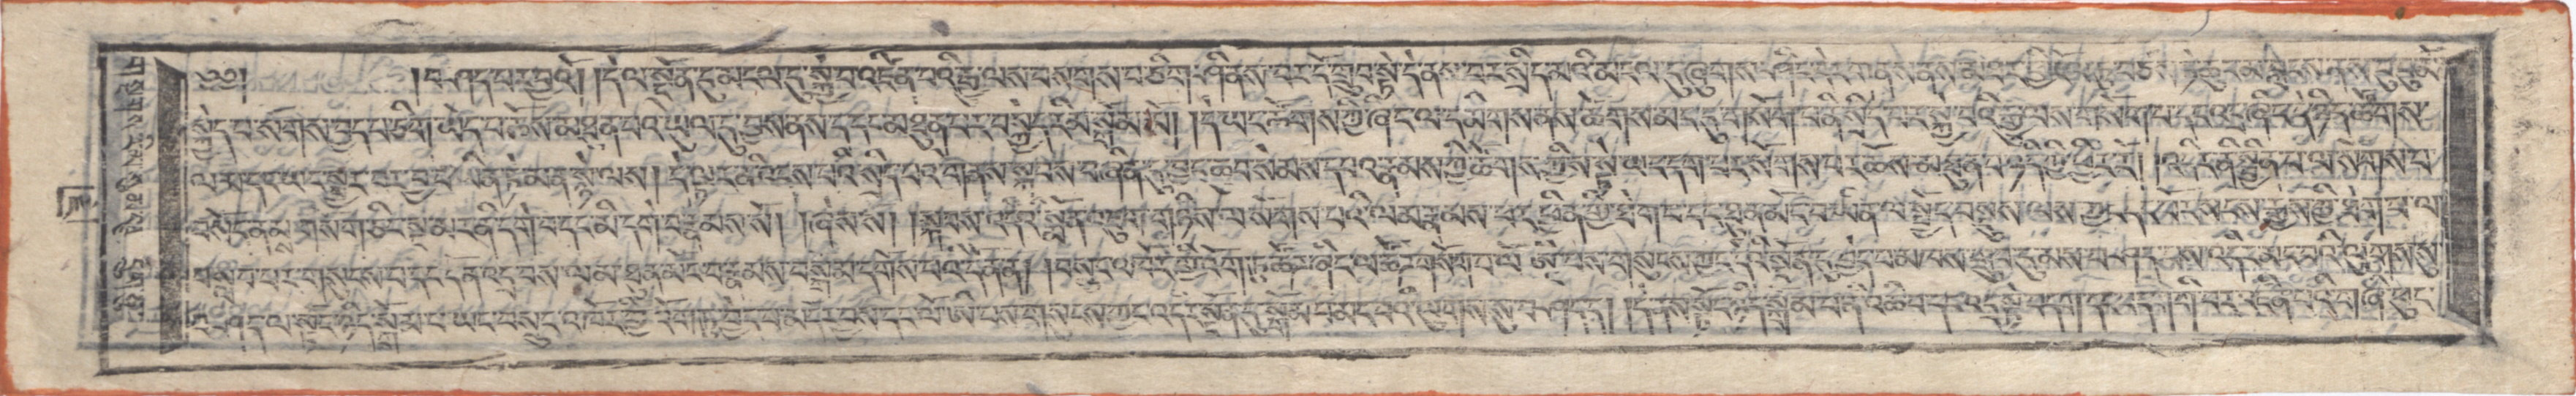༄༅། །བཤད་པར་བྱའོ། །དེ་ལ་སྔོན་དུ་མངལ་དུ་སྐྱེ་བ་འཛིན་པའི་རྒྱུ་ལས་བསགས་པ་ཅིག་ཤི་ནས་བར་དོ་གྲུབ་སྟེ་དེ་ནས་བར་སྲིད་མའི་མངལ་དུ་ཞུགས་ཤིང་དེར་གནས་ནས་མཐར་ཕྱི་རོལ་ཏུ་བཙས་ཏེ་ཆུང་མ་བླངས་ནས་བུ་བུ་མོ་
སྐྱེད་པ་སོགས་བྱེད་པ་ཅིག་ཡོད་པ་ཆོས་མཐུན་པའི་ཡུལ་དུ་བྱས་ནས་དེ་དང་མཐུན་པར་བསྐྱེད་རིམ་སྒོམ་མོ། །དེ་ཡང་ཚོགས་ཀྱི་ཞིང་ལ་དམིགས་ནས་ཚོགས་མང་དུ་གསོག་པ་ནི་སྲིད་པར་སྐྱེ་བའི་རྒྱུ་ལས་གསོག་པ་དང་འདྲ་ཞིང་དེ་ཉིད་ཚོགས་
ལམ་དང་ཡང་སྦྱར་བར་བྱ་བ་ཡིན་ཏེ་མན་སྙེ་ལས། དེ་ལྟར་ནི་འདས་པའི་སྲིད་པའི་གནས་སྐབས་བཞིན་དུ་བྱང་ཆུབ་སེམས་དཔའ་རྣམས་ཀྱི་ཚོགས་ཀྱི་ས་སྟེ་ཡང་དག་པར་སོགས་བར་ཆོས་མཐུན་པ་ཉིད་ཀྱི་ཕྱིར་རོ། །འདིར་ནི་སྦྱིན་པ་ལ་སོགས་པ་
བསོད་ནམས་གསོག་ཅིང་སྔ་མར་ནི་དགེ་བ་དང་མི་དགེ་བ་རྣམས་སོ། །ཞེས་སོ། །སྐབས་འདིའི་སྨོན་འཇུག་གཉིས་ལ་སོགས་པའི་ལམ་རྣམས་ཕར་ཕྱིན་གྱི་ཐེག་པ་དང་ཐུན་མོང་བ་ཡིན་ལ་སྤྱོད་བསྡུས་ལས་ཀྱང་དང་པོར་སངས་རྒྱས་ཀྱི་ཐེག་པ་ལ་
བསླབ་པར་གསུངས་པ་དང་དོན་འདྲ་བས་ལམ་ཐུན་མོང་བ་རྣམས་བསྒོམ་དགོས་པའི་དོན་ནོ། །བསྲུང་འཁོར་གྱི་འོག་ཏུ་ཚོཌ་ཞིང་ལ་ཚོཌ་གསོག་པ་ལོ་ཨཱི་པས་གསུངས་ཀྱང་དེའི་སྔོན་དུ་བྱེད་པ་མཁས་གྲུབ་དུ་མས་བཤད་པས་འདིར་མང་བའི་ལུགས་སུ་
བཤད་ལ་སྟོང་ཉིད་སྒོམ་པ་ཡང་བསྲུང་འཁོར་གྱི་འོག་ཏུ་བྱེད་པ་མདོར་བྱས་དང་ལོ་ཨི་པས་གསུངས་ཀྱང་འདིར་སྔོན་དུ་སྒོམ་པ་མང་བའི་ལུགས་སུ་བཤད་དེ། །དེ་ནས་སྟོང་ཉིད་སྒོམ་པ་ནི་འཆི་བ་དང་འདྲ་སྟེ་བདག་དང་བདག་གི་བར་འཛིན་པའི་གཞི་ཕུང་